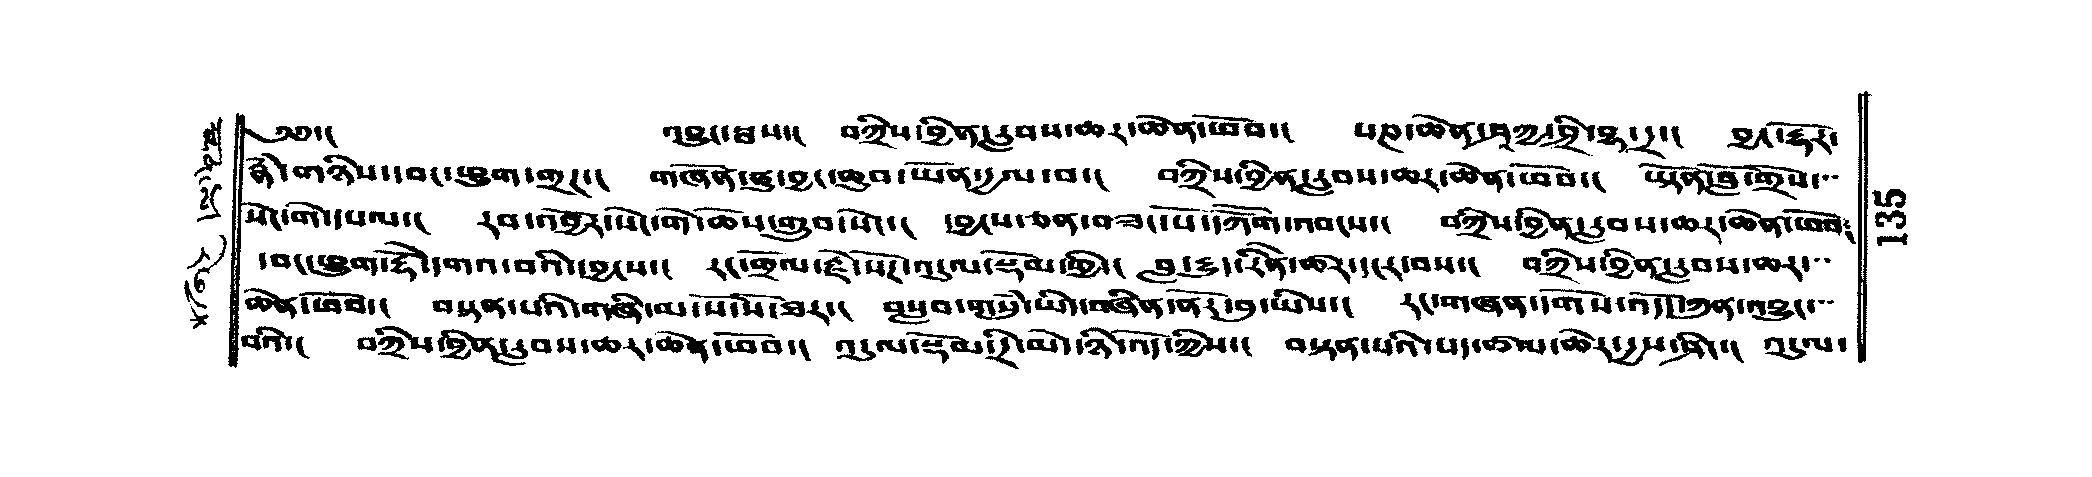འབྱུང་སྦས། །བཀྲ་ཤིས་བྱིན་རླབས་ཆར་ཆེན་ཕོབ། །པཎ་ཆེན་ཤཱཀྱ་ཤྲཱི་བྷ་དྲ། །བྱང་རྡོར་
རྣམ་གཉིས་དབང་ཕྱུག་གྲགས། །གཞོན་ནུ་བྱང་ཆུབ་ཡོན་རྒྱལ་བ། །བཀྲ་ཤིས་བྱིན་རླབས་ཆར་ཆེན་ཕོབ། །ཡོན་ཏན་བློ་གྲོས་
སེངྒེ་དཔལ། །རབ་འབྱོར་སེངྒེ་ཆོས་གྲུབ་སོང་། །དབྱངས་ཅན་བཟང་པོ་དཀོན་མཆོག་འབངས། །བཀྲ་ཤིས་བྱིན་རླབས་ཆར་ཆེན་ཕོབ། །
དབང་ཕྱུག་རྡོ་རྗེ་དགའ་བའི་དབྱངས། །རང་གྲོལ་རྗེ་སོགས་འདུལ་སྡོམ་གྱི། །བླ་རྒྱུད་རིན་ཆེན་ཚར་དངར་བས། །བཀྲ་ཤིས་བྱིན་རླབས་ཆར་
ཆེན་ཕོབ། །བསྟན་པའི་གཞི་མ་སོ་སོ་ཐར། །བསླབ་གསུམ་ཡིད་བཞིན་ནོར་བུ་ཡིས། །རང་གཞན་དགོས་འདོད་ཀུན་འབྱུང་
བའི། །བཀྲ་ཤིས་བྱིན་རླབས་ཆར་ཆེན་ཕོབ། །འདུལ་སྡོམ་དྲི་མེད་ཉི་འོད་ཀྱིས། །བསྟན་པའི་པད་ཚལ་ཆེར་རྒྱས་ཤིང་། །འདུལ་